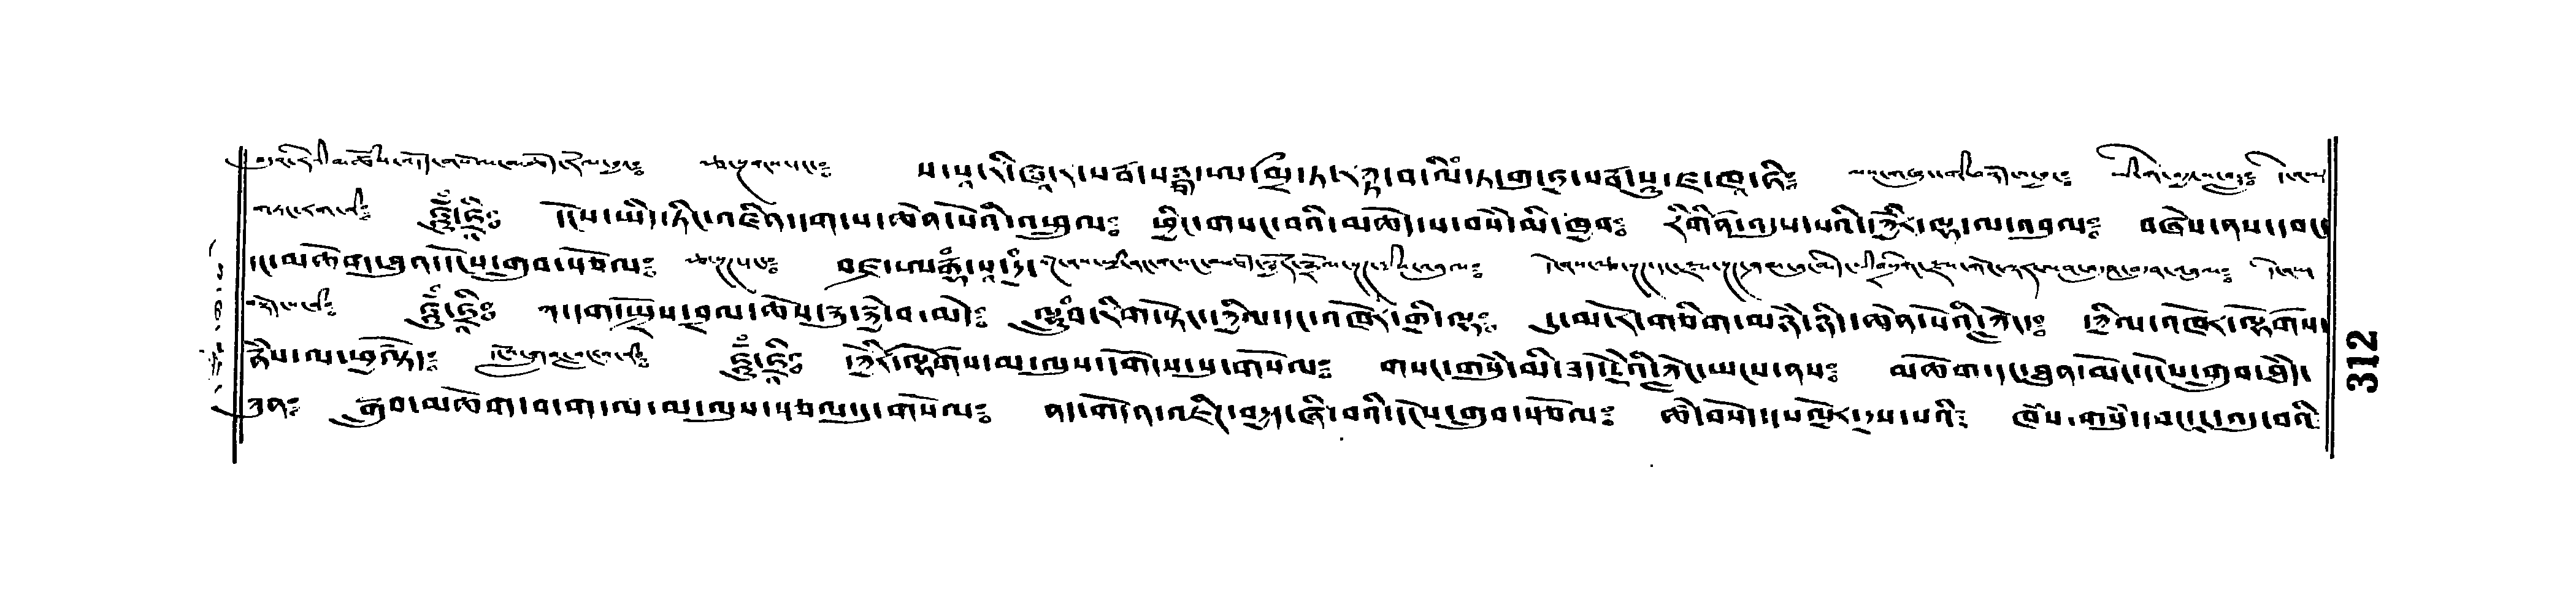བདུན་རེའི་མཚམས་འདོད་གསོལ་མཆོད་རོལ་བྱ༔ རྩ་སྔགས་དང༔ ས་པཱ་རི་ཝཱ་ར་སརྦ་པཉྩ་ཨ་མྲྀ་ཏ་རཀྟ་བ་ལིཾ་ཏ་གུ་ཧྱ་སརྦ་པཱུ་ཛ་ཁཱ་ཧི༔ ལས་གཞུང་གི་བསྟོད་པ་བྱ༔ ཡི་གེ་བརྒྱ་པ་བཟླ༔ དེ་ནས་
གཏང་རག་ནི༔ ཧཱུྃ་ཧྲཱིཿ དངོས་ཡིད་ཏིང་འཛིན་དག་པ་ཆེན་པོའི་འཕྲུལ༔ ཕྱི་ནང་གསང་བའི་མཆོད་པ་བསམ་མི་ཁྱབ༔ རིག་འཛིན་འདུས་པའི་དཀྱིལ་འཁོར་ལྷ་ལ་འབུལ༔ བཞེས་ནས་དབང་
དང་མཆོག་ཐུན་དངོས་གྲུབ་སྩོལ༔ རྩ་སྔགས་དང༔ བཛྲ་ཨརྒྷཾ་པཱ་དྱཱ་སོགས་ནས་ཕྱི་ནང་གསང་མཆོད་སྦྱོར་སྒྲོལ་སྔགས་ཀྱིས་འབུལ༔ དེ་ནས་རྩ་སྔགས་དང་རྫས་སྔགས་ཤམ་བུ་མེད་པའི་བསྲེག་རྫས་གོང་ལྟར་ལན་བདུན་བདུན་འབུལ༔ དེ་ནས་
བསྟོད་པ་ནི༔ ཧཱུྃ་ཧྲཱིཿ ཀ་དག་སྤྲོས་བྲལ་ཆོས་སྐུ་སྐྱེ་བ་མེད༔ ལྷུན་གྲུབ་རིག་སྟོང་དཀྱིལ་དང་འཁོར་གྱི་ལྷ༔ དུ་མ་རོ་གཅིག་མཉམ་ཉིད་ཆེན་པོའི་ཀློང༔ དཀྱིལ་འཁོར་ལྷ་ཚོགས་
རྣམས་ལ་ཕྱག་འཚལ་བསྟོད༔ དངོས་གྲུབ་བླང་བ་ནི༔ ཧཱུྃ་ཧྲཱིཿ དཀྱིལ་འཁོར་ལྷ་ཚོགས་མ་ལུས་དགོངས་སུ་གསོལ༔ གསང་གསུམ་མི་ཟད་རྡོ་རྗེའི་ཀློང་ཡངས་ནས༔ མཆོག་དང་ཐུན་མོང་དངོས་གྲུབ་ཐམས་ཅད་
ཀུན༔ སྒྲུབ་མཆོག་བདག་ལ་མ་ལུས་བསྩལ་དུ་གསོལ༔ ནད་གདོན་འཇིགས་བརྒྱད་ཞི་བའི་དངོས་གྲུབ་སྩོལ༔ ཚེ་བསོད་དཔལ་འབྱོར་རྒྱས་པའི༴ ཁམས་གསུམ་དབང་དུ་འདུ་བའི༴